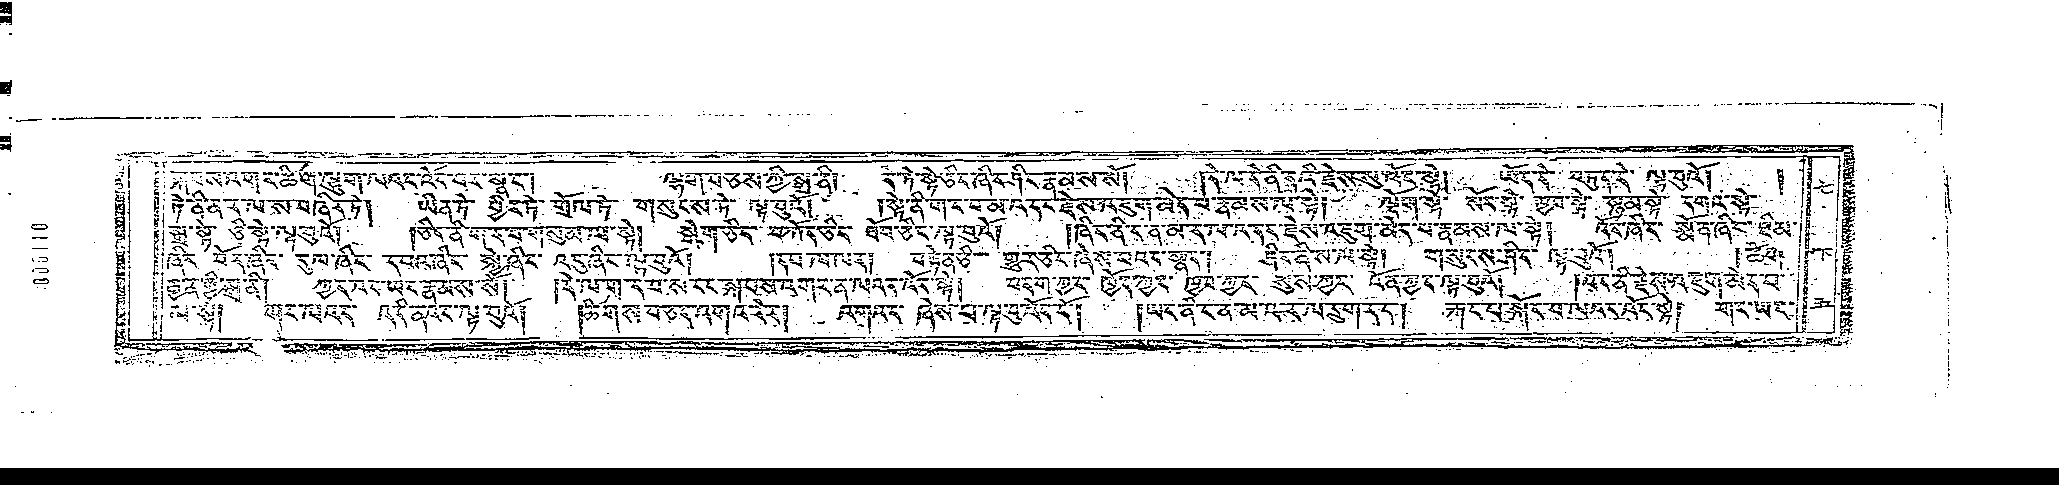སྐབས་འགར་ཚིག་ལྷུག་ལའང་འོང་བར་སྣང་། ལྷག་བཅས་ཀྱི་སྒྲ་ནི། དེ་ཏེ་སྟེ་ཅིང་ཞིང་ཤིང་རྣམས་སོ། །དེ་ལ་དེ་ནི་དའི་རྗེས་སུ་འོང་སྟེ། ཡོང་དེ་བཏུང་དེ་ལྟ་བུའོ། །
ཏེ་ནི་ན་ར་ལ་ས་བཞིར་ཏེ། ཡིན་ཏེ་ཕྱིར་ཏེ་གྲོལ་ཏེ་གསུངས་ཏེ་ལྟ་བུའོ། །སྟེ་ནི་གང་བ་མ་འ་དང་རྗེས་འཇུག་མེད་པ་རྣམས་ལ་སྟེ། ལྡོག་སྟེ། སོང་སྟེ་ཁྱབ་སྟེ་སྙམ་སྟེ་དགའ་སྟེ་
སྒྲ་སྟེ་ཅི་སྟེ་ལྟ་བུའོ། །ཅིང་ནི་ག་ད་བ་གསུམ་ལ་སྟེ། སྒེག་ཅིང་བཀོད་ཅིང་ཐོབ་ཅིང་ལྟ་བུའོ། །ཞིང་ནི་ང་ན་མ་ར་ལ་འ་དང་རྗེས་འཇུག་མེད་པ་རྣམས་ལ་སྟེ། འོང་ཞིང་སྨོན་ཞིང་ཐིམ་
ཞིང་བོར་ཞིང་དུ་ལ་ཞིང་དཔའ་ཞིང་སྐྱེ་ཞིང་འདུ་ཞིང་ལྟ་བུའོ། །དཔེ་ལ་ལར། བརྟེན་ཅིང་གྱུར་ཅིང་ཞེས་པའང་སྣང་། ཤིང་ནི་ས་ལ་སྟེ། གསུངས་ཤིང་ལྟ་བུའོ། །ཚིག་
རྒྱན་གྱི་སྒྲ་ནི། ཀྱང་འང་ཡང་རྣམས་སོ། །དེ་ལ་ག་ད་བ་ས་དང་སྐབས་འགར་ན་ལའང་འོང་སྟེ། བདག་ཀྱང་ཁྱོད་ཀྱང་ཁྱབ་ཀྱང་སུས་ཀྱང་འོན་ཀྱང་ལྟ་བུའོ། །འདི་ནི་རྗེས་འཇུག་མེད་པ་
ལ་སྟེ། གང་ལའང་འདི་ནི་འདི་ལྟ་བུའོ། །ཚིགས་བཅད་འགའ་རེ་རེ། འགའང་ཞེས་པ་ལྟ་བུ་འོད་ངོ། །ཡང་ནི་ད་ན་མ་འ་ར་ལ་དྲུག་དང་། རྐང་བ་སྐོང་བ་ལའང་འོང་སྟེ། གང་ཡང་